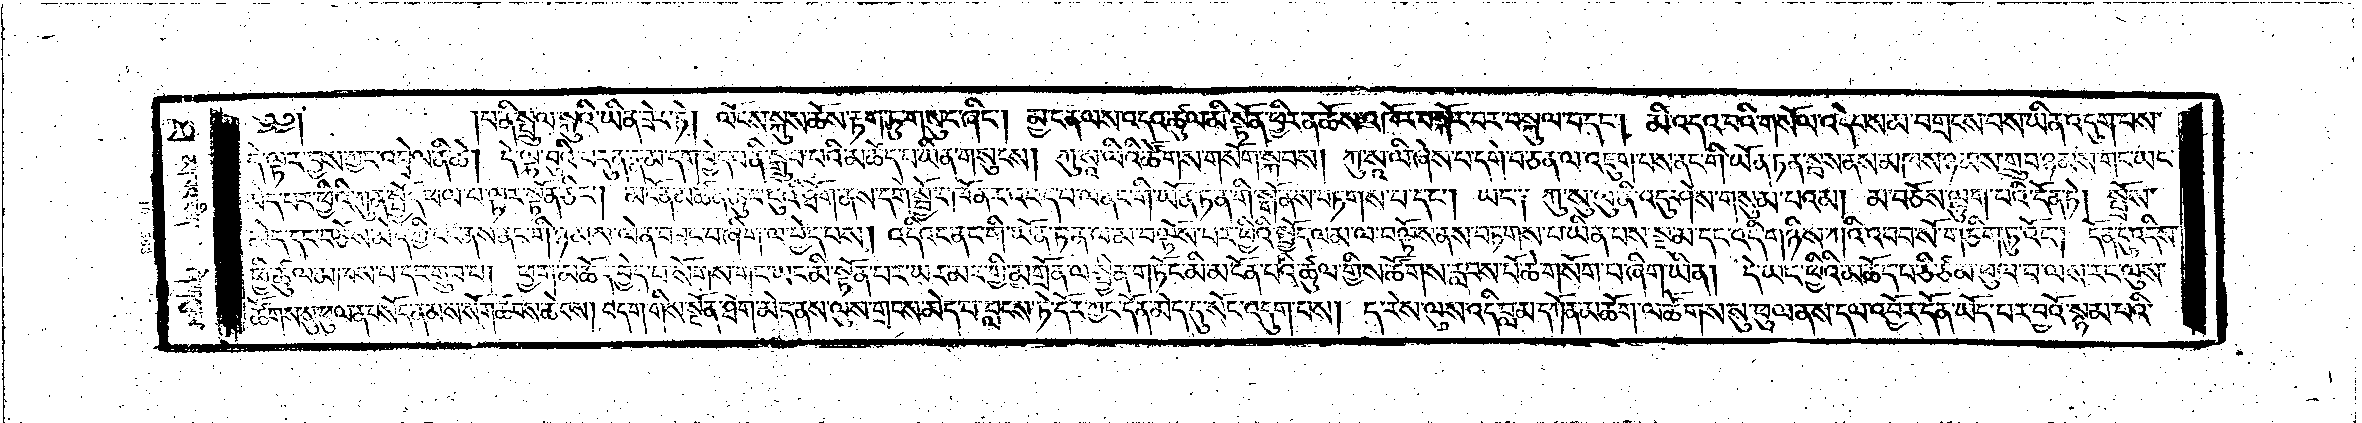༄༅། །པ་ནི་སྤྲུལ་སྐུའི་ཡིན་ཟེར་ཏེ། ལོངས་སྐུས་ཆོས་རྟག་ཏུ་གསུང་ཞིང་། མྱ་ངན་ལས་འདའ་ཚུལ་མི་སྟོན་ཕྱིར་ན་ཆོས་འཁོར་བསྐོར་བར་བསྐུལ་བ་དང་། མི་འདའ་བའི་གསོལ་འདེབས་མ་བགྲངས་པས་ཡིན་འདུག་པས་
དེ་ལྟར་བྱས་ཀྱང་འབྲེལ་ནི་ཆེ། དེ་ལྟ་བུའི་བདུན་རྣམ་དག་བྱེད་པ་ནི་སྒྲུབ་པའི་མཆོད་པ་ཡིན་གསུངས། ཀུ་སཱ་ལིའི་ཚོགས་གསོག་སྐབས། ཀུ་སཱ་ལི་ཞེས་པ་དགེ་བ་ཅན་ལ་འཇུག་པས་ནང་གི་ཡོན་ཏན་སྤས་ནས་མཁས་ཉམས་གྲུབ་ཉམས་གང་ཡང་
མེད་པར་ཕྱིའི་ཀུན་སྤྱོད་ཕལ་པ་ལྟར་སྟོན་ཅིང་། མངོན་མཚན་ཆུང་ངུའི་ཐོག་ནས་དགེ་སྦྱོར་ཁོ་ནར་འབད་པ་ལ་ནང་གི་ཡོན་ཏན་གི་སྒོ་ནས་བཏགས་པ་དང་། ཡང༑ ཀུ་སུ་ལུ་ནི་འདུ་ཤེས་གསུམ་པའམ། མ་བཅོས་ལྷུག་པའི་དོན་ཏེ། སྤྲོས་
མེད་དང་བཅོས་མེད་ཀྱི་ངང་ནས་ནང་གི་ཉམས་ལེན་བཟང་བ་ཞིག་ལ་བྱེད་པས། འདིའང་ནང་གི་ཡོན་ཏན་ལ་མ་བལྟོས་བར་ཕྱིའི་སྤྱོད་ལམ་ལ་བལྟོས་ནས་བཏགས་པ་ཡིན་པས་སྔ་མ་དང་འདི་གཉིས་ཀའི་འབབ་སོ་གཅིག་ཏུ་འོང་། དོན་དུ་འདིས་
ཕྱི་ཚུལ་མཁས་པ་དང་གྲུབ་པ། ཕྱག་མཆོད་བྱེད་པ་སོགས་གང་ཡང་མི་སྟོན་པར་ཡར་མར་གྱི་མགྲོན་ལ་སྦྱིན་གཏོང་མི་མངོན་པའི་ཚུལ་གྱིས་ཚོགས་རླབས་པོ་ཆེ་གསོག་པ་ཞིག་ཡིན། དེ་ཡང་ཕྱིའི་མཆོད་པ་ཅི་ཙམ་ཕུལ་བ་ལས་རང་ལུས་
ཚོགས་སུ་ཕུལ་ན་བསོད་ནམས་གསོག་ཚབས་ཆེ་བས། བདག་གིས་སྔོན་ཐོག་མེད་ནས་ལུས་གྲངས་མེད་པ་བླངས་ཏེ་དོར་ཀྱང་དོན་མེད་དུ་སོང་འདུག་པས། ད་རེས་ལུས་འདི་བླ་མ་དཀོན་མཆོག་ལ་ཚོགས་སུ་ཕུལ་ནས་དལ་འབྱོར་དོན་ཡོད་པར་བྱའོ་སྙམ་པའི་